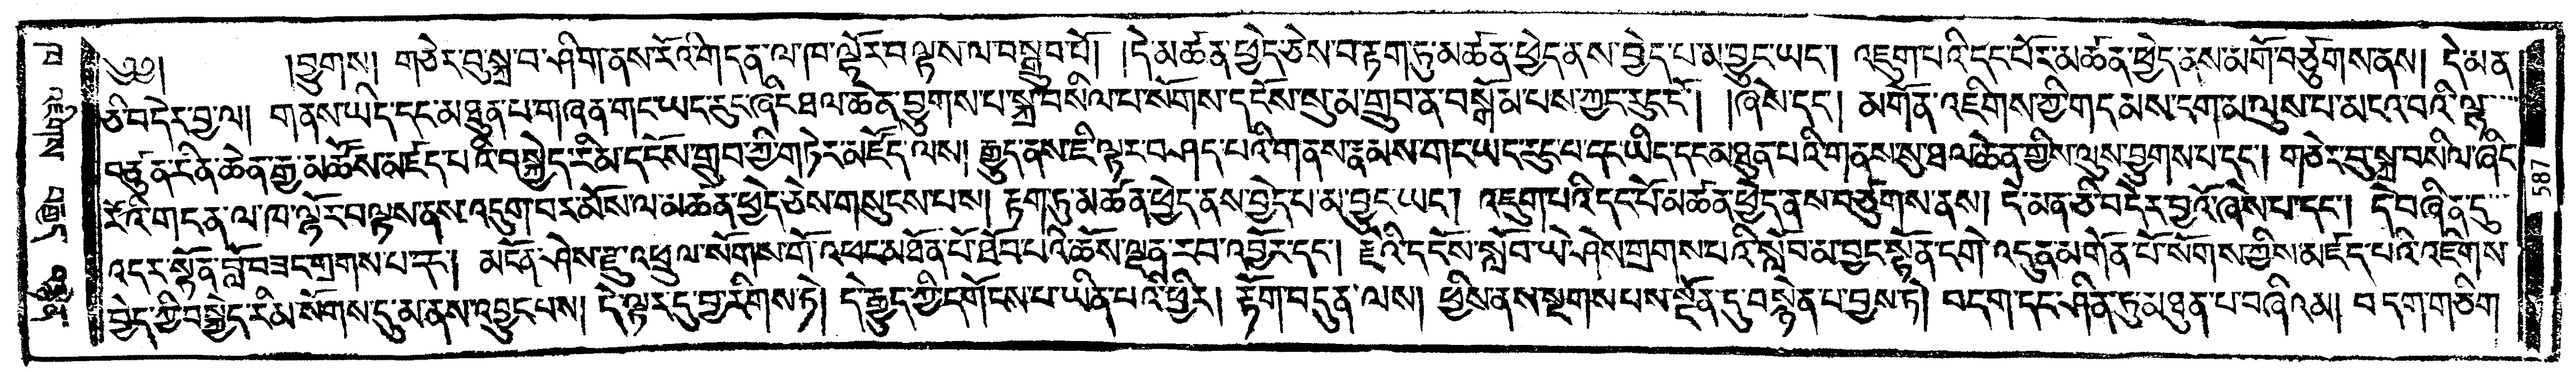༄༅། །བྱུགས། གཅེར་བུ་སྐྲ་བ་ཤིག་ནས་རོའི་གདན་ལ་ཁ་ལྷོར་བལྟས་ལ་བསྒྲུབ་པོ། །དེ་མཚན་ཕྱེད་ཅེས་པ་རྟག་ཏུ་མཚན་ཕྱེད་ནས་བྱེད་པ་མ་བྱུང་ཡང་། འཇུག་པའི་དང་པོར་མཚན་ཕྱེད་ནས་མགོ་བཙུགས་ནས། དེ་མན་
ཅི་བདེར་བྱ་ལ། གནས་ཡིད་དང་མཐུན་པ་གཞན་གང་ཡང་རུང་ཞིང་ཐལ་ཆེན་བྱུགས་པ་སྐྲ་བསིལ་པ་སོགས་དངོས་སུ་མ་གྲུབ་ན་བསྒོམ་པས་ཀྱང་རུང་ངོ། །ཞེས་དང་། མགོན་འཇིགས་ཀྱི་གདམས་ངག་མ་ལུས་པ་མངའ་བའི་ལྷ་
བཙུན་རིན་ཆེན་རྒྱ་མཚོས་མཛད་པའི་བསྐྱེད་རིམ་དངོས་གྲུབ་ཀྱི་གཏེར་མཛོད་ལས། རྒྱུད་ནས་ཇི་ལྟར་བཤད་པའི་གནས་རྣམས་གང་ཡང་རུང་བ་དང་ཡིད་དང་མཐུན་པའི་གནས་སུ་ཐལ་ཆེན་གྱིས་ལུས་བྱུགས་པ་དང་། གཅེར་བུ་སྐྲ་བསིལ་ཞིང་
རོའི་གདན་ལ་ཁ་ལྷོར་བལྟས་ནས་འདུག་པར་མོས་ལ་མཚན་ཕྱེད་ཅེས་གསུངས་པས། རྟག་ཏུ་མཚན་ཕྱེད་ནས་བྱེད་པ་མ་བྱུང་ཡང་། འཇུག་པའི་དང་པོ་མཚན་ཕྱེད་ནས་བཙུགས་ནས། དེ་མན་ཅི་བདེར་བྱའོ་ཞེས་པ་དང་། དེ་བཞིན་དུ་
འདར་སྟོན་བློ་བཟང་གྲགས་པ་དང་། མངོན་ཤེས་རྫུ་འཕྲུལ་སོགས་གོ་འཕང་མཐོན་པོ་ཐོབ་པའི་ཆོས་ལྡན་རབ་འབྱོར་དང་། རྗེའི་དངོས་སློབ་ཡེ་ཤེས་གྲགས་པའི་སློབ་མ་བྱང་སྟོན་དགེ་འདུན་མགོན་པོ་སོགས་ཀྱིས་མཛད་པའི་འཇིགས་
བྱེད་ཀྱི་བསྐྱེད་རིམ་སོགས་དུ་མ་ནས་འབྱུང་པས། དེ་ལྟར་དུ་བྱ་རིགས་ཏེ། དེ་རྒྱུད་ཀྱི་དགོངས་པ་ཡིན་པའི་ཕྱིར། རྟོག་བདུན་ལས། ཕྱིས་ནས་སྔགས་པས་སྔོན་དུ་བསྙེན་པ་བྱས་ཏེ། བདག་དང་ཤིན་ཏུ་མཐུན་པ་བཞིའམ། བདག་གཅིག་